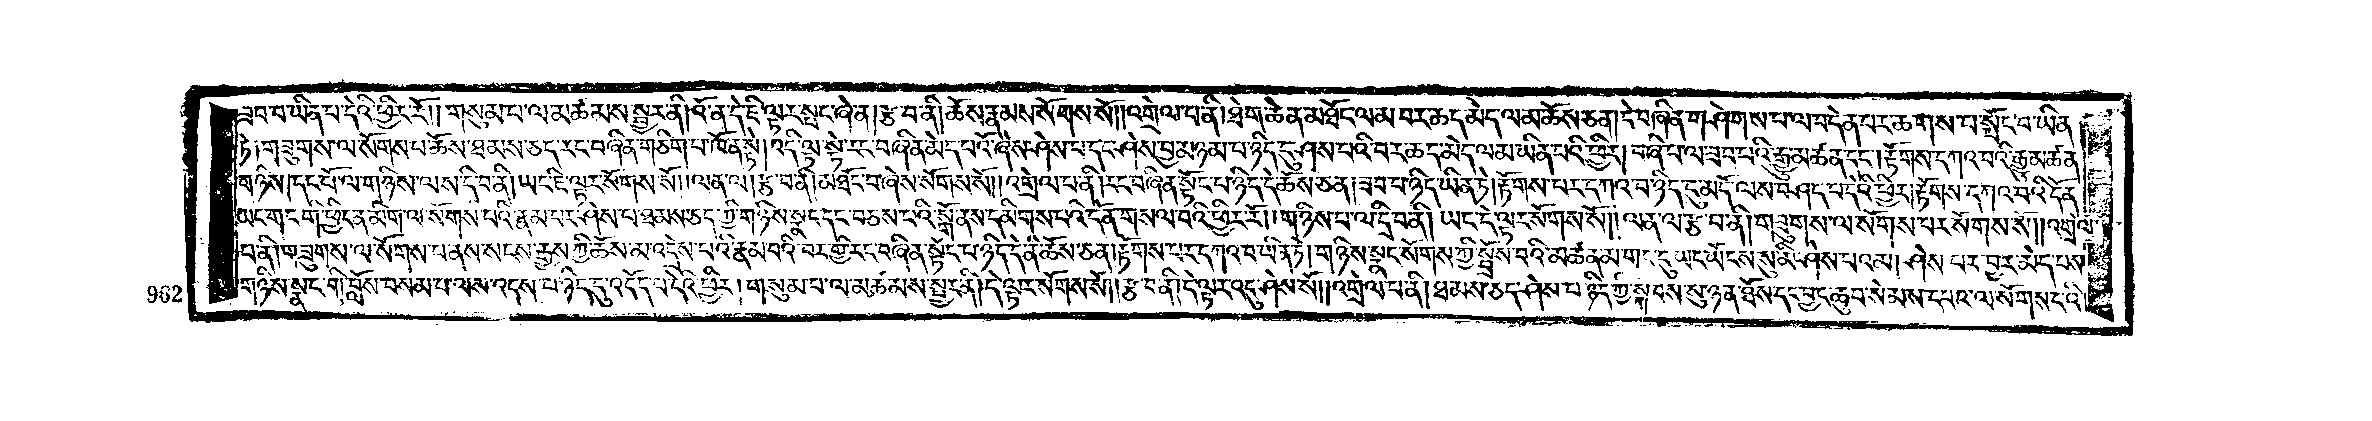ཟབ་བ་ཡིན་པ་དེའི་ཕྱིར་རོ། །གསུམ་པ་ལ་མཚམས་སྦྱར་ནི། འོ་ན་དེ་ཇི་ལྟར་སྤང་ཞེ་ན། རྩ་བ་ནི། ཆོས་རྣམས་སོགས་སོ། །འགྲེལ་པ་ནི། ཐེག་ཆེན་མཐོང་ལམ་བར་ཆད་མེད་ལམ་ཆོས་ཅན། དེ་བཞིན་གཤེགས་པ་ལ་བདེན་པར་ཆགས་པ་སྤོང་བ་ཡིན་
ཏེ། གཟུགས་ལ་སོགས་པ་ཆོས་ཐམས་ཅད་རང་བཞིན་གཅིག་པ་ཁོ་ན་སྟེ། འདི་ལྟ་སྟེ་རང་བཞིན་མེད་པའོ་ཞེས་ཤེས་པ་དང་ཤེས་བྱ་མཉམ་པ་ཉིད་དུ་ཤས་པའི་བར་ཆད་མེད་ལམ་ཡིན་པའི་ཕྱིར། བཞི་པ་ལ་ཟབ་པའི་རྒྱུ་མཚན་དང་། རྟོགས་དཀའ་བའི་རྒྱུ་མཚན་
གཉིས། དང་པོ་ལ་གཉིས་ལས་དྲི་བ་ནི། ཡང་ཇི་ལྟར་སོགས་སོ། །ལན་ལ། རྩ་བ་ནི། མཐོང་བ་ཞེས་སོགས་སོ། །འགྲེལ་པ་ནི། རང་བཞིན་སྟོང་པ་ཉིད་དེ་ཆོས་ཅན། ཟབ་པ་ཉིད་ཡིན་ཏེ། རྟོགས་པར་དཀའ་བ་ཉིད་དུ་མདོ་ལས་བཤད་པ་དེའི་ཕྱིར། རྟོགས་དཀའ་བའི་དོན་
ཡང་གང་གི་ཕྱིར་ན་མིག་ལ་སོགས་པའི་རྣམ་པར་ཤེས་པ་ཐམས་ཅད་ཀྱི་གཉིས་སྣང་དང་བཅས་པའི་སྒོ་ནས་དམིགས་པའི་དོན་གསལ་བའི་ཕྱིར་རོ། །གཉིས་པ་ལ་དྲི་བ་ནི། ཡང་དེ་ལྟར་སོགས་སོ། །ལན་ལ་རྩ་བ་ནི། གཟུགས་ལ་སོགས་པར་སོགས་སོ། །འགྲེལ་
པ་ནི། གཟུགས་ལ་སོགས་པ་ནས་སངས་རྒྱས་ཀྱི་ཆོས་མ་འདྲེས་པའི་རྣམ་པའི་བར་གྱི་རང་བཞིན་སྟོང་པ་ཉིད་དེ་ནི་ཆོས་ཅན། རྟོགས་པར་དཀའ་བ་ཡིན་ཏེ། གཉིས་སྣང་སོགས་ཀྱི་སྤྲོས་བའི་མཚན་མ་གང་དུ་ཡང་ཡོངས་སུ་མི་ཤེས་པའམ། ཤེས་པར་བྱར་མེད་པས་
གཉིས་སྣང་གི་བློས་བསམ་པ་ལས་འདས་པ་ཉིད་དུ་འདོད་པ་དེའི་ཕྱིར། གསུམ་པ་ལ་མཚམས་སྦྱར་ནི། དེ་ལྟར་སོགས་སོ། །རྩ་བ་ནི། དེ་ལྟར་འདུ་ཤེས་སོ། །འགྲེལ་པ་ནི། ཐམས་ཅད་ཤེས་པ་ཉིད་ཀྱི་སྐབས་སུ་ཉན་ཐོས་དང་བྱང་ཆུབ་སེམས་དཔའ་ལ་སོགས་པའི་